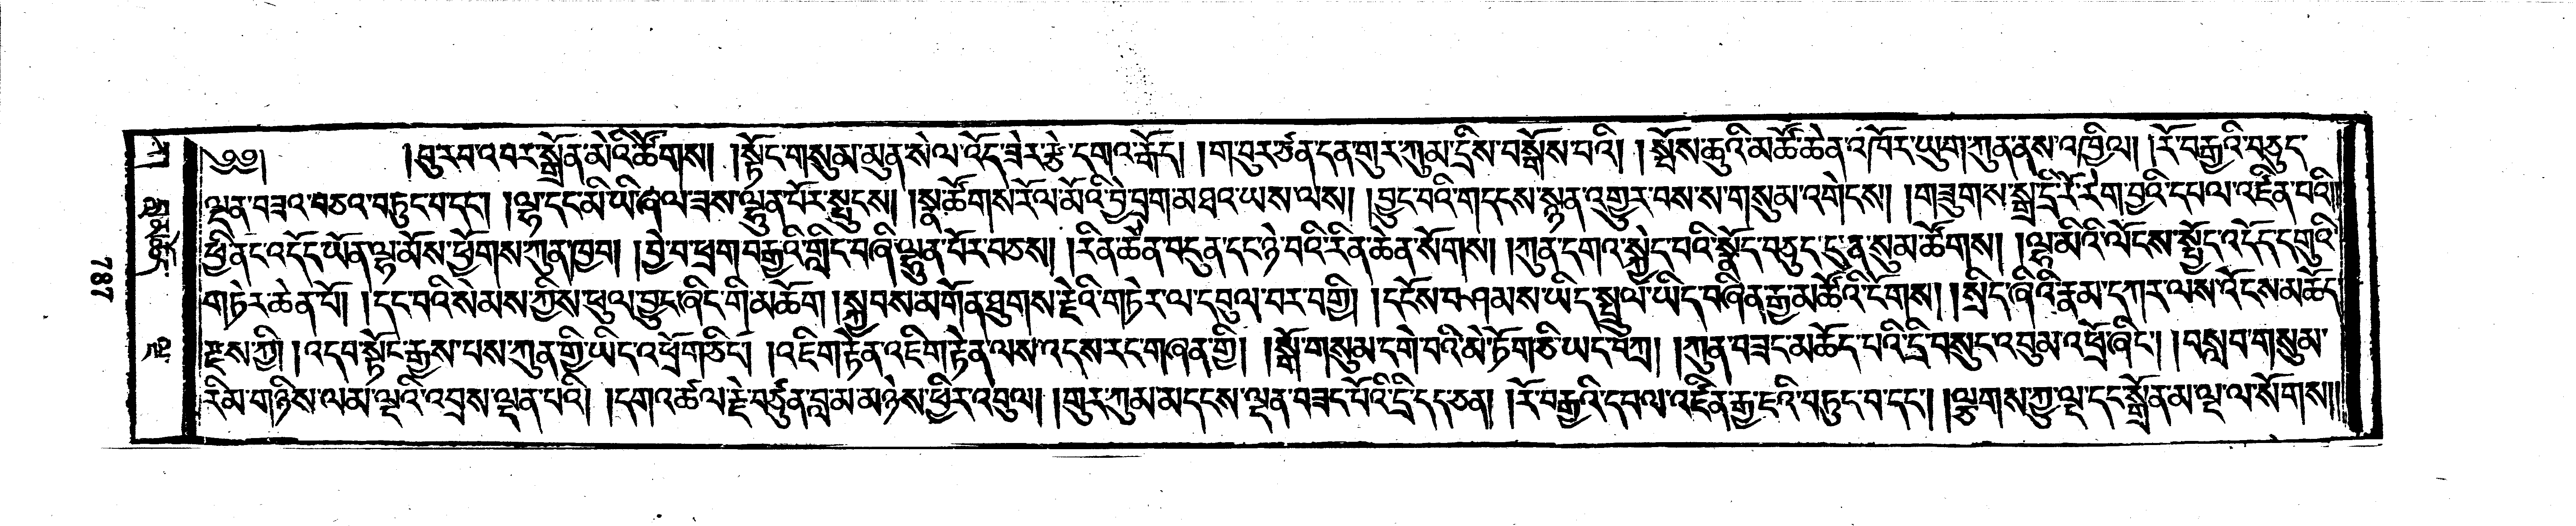༄༅། །བུ་རབ་འབར་སྒྲོན་མེའི་ཚོགས། །སྟོང་གསུམ་མུན་སེལ་འོད་ཟེར་རྩེ་དགའ་རྒོད། །ག་བུར་ཙན་དན་གུར་ཀུམ་དྲིས་བསྒོས་པའི། །སྤོས་ཆུའི་མཚོ་ཆེན་འཁོར་ཡུག་ཀུན་ནས་འཁྱིལ། །རོ་བརྒྱའི་བཅུད་
ལྡན་བཟའ་བཅའ་བཏུང་བ་དང་། །ལྷ་དང་མི་ཡི་ཞལ་ཟས་ལྷུན་པོར་སྤུངས། །སྣ་ཚོགས་རོལ་མོའི་བྱེ་བྲག་མཐའ་ཡས་ལས། །བྱུང་བའི་གདངས་སྙན་འགྱུར་བས་ས་གསུམ་འགེངས། །གཟུགས་སྒྲ་དྲི་རོ་རེག་བྱའི་དཔལ་འཛིན་པའི་
ཕྱི་ནང་འདོད་ཡོན་ལྷ་མོས་ཕྱོགས་ཀུན་ཁྱབ། །བྱེ་བ་ཕྲག་བརྒྱའི་གླིང་བཞི་ལྷུན་པོར་བཅས། །རིན་ཆེན་བདུན་དང་ཉེ་བའི་རིན་ཆེན་སོགས། །ཀུན་དགའ་སྐྱེད་པའི་སྣོད་བཅུད་ཕུན་སུམ་ཚོགས། །ལྷ་མིའི་ལོངས་སྤྱོད་འདོད་དགུའི་
གཏེར་ཆེན་པོ། །དང་བའི་སེམས་ཀྱིས་ཕུལ་བྱུང་ཞིང་གི་མཆོག །སྐྱབས་མགོན་ཐུགས་རྗེའི་གཏེར་ལ་དབུལ་བར་བགྱི། །དངོས་བཤམས་ཡིད་སྤྲུལ་ཡིད་བཞིན་རྒྱ་མཚོའི་ངོགས། །སྲིད་ཞིའི་རྣམ་དཀར་ལས་འོངས་མཆོད་
རྫས་ཀྱི། །འདབ་སྟོང་རྒྱས་པས་ཀུན་གྱི་ཡིད་འཕྲོག་ཅིང་། །འཇིག་རྟེན་འཇིགས་རྟེན་ལས་འདས་རང་གཞན་གྱི། །སྒོ་གསུམ་དགེ་བའི་མེ་ཏོག་ཅི་ཡང་བཀྲ། །ཀུན་བཟང་མཆོད་པའི་དྲི་བསུང་འབུམ་འཕྲོ་ཞིང་། །བསླབ་གསུམ་
རིམ་གཉིས་ལམ་ལྔའི་འབྲས་ལྡན་པའི། །དགའ་ཚལ་རྗེ་བཙུན་བླ་མ་མཉེས་ཕྱིར་འབུལ། །གུར་ཀུམ་མདངས་ལྡན་བཟང་པོའི་དྲི་ངད་ཅན། །རོ་བརྒྱའི་དཔལ་འཛིན་རྒྱ་ཇའི་བཏུང་བ་དང་། །ལྕགས་ཀྱུ་ལྔ་དང་སྒྲོན་མ་ལྔ་ལ་སོགས། །